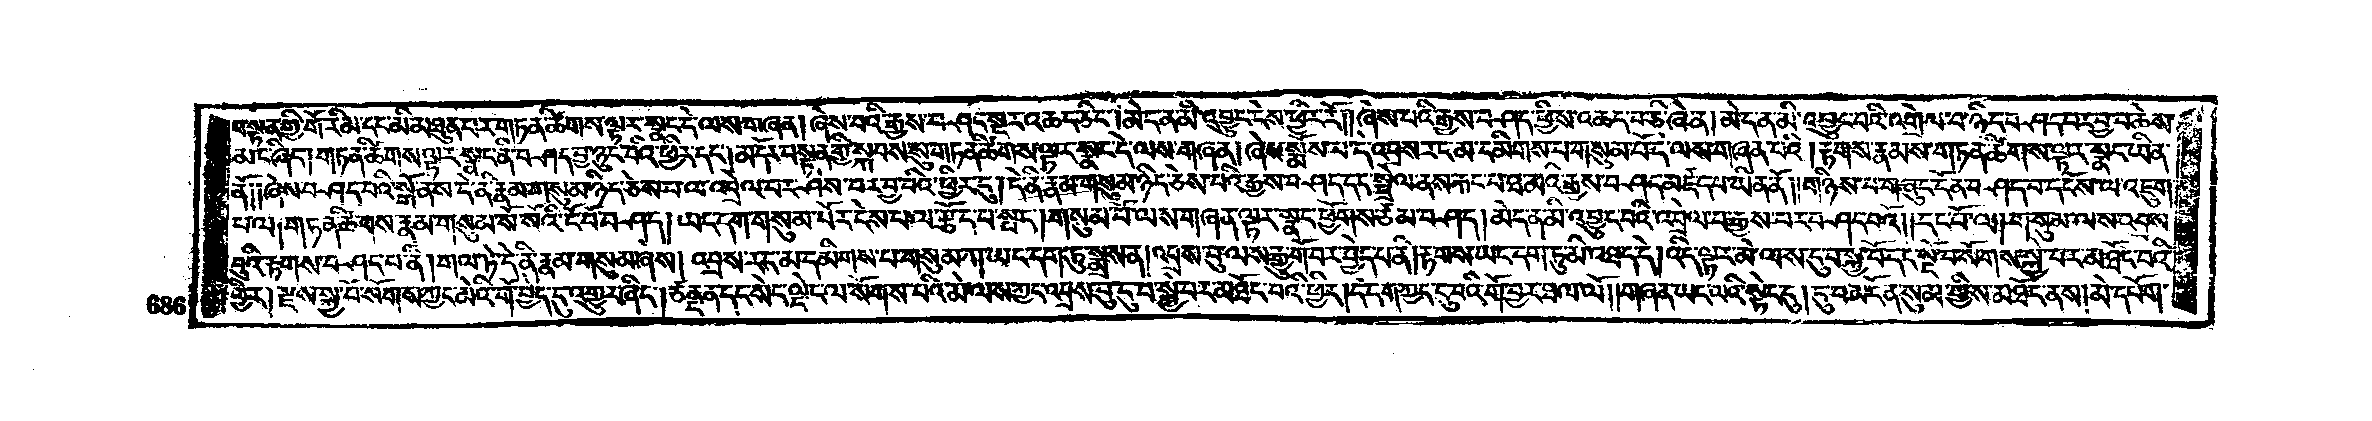བསྟན་གྱི་གོ་རིམ་དང་མི་མཐུན་པར་གཏན་ཚིགས་ལྟར་སྣང་དེ་ལས་གཞན། ཞེས་པའི་རྒྱས་བཤད་སྔར་འཆད་ཅིང་། མེད་ན་མི་འབྱུང་ངེས་ཕྱིར་རོ། །ཞེས་པའི་རྒྱས་བཤད་ཕྱིས་འཆད་པ་ཅི་ཞེ་ན། མེད་ན་མི་འབྱུང་བའི་འགྲེལ་བ་ཉིད་བཤད་པར་བྱ་བ་ཆེས་
མང་ཞིང་། གཏན་ཚིགས་ལྟར་སྔང་ནི་བཤད་བྱ་ཉུང་བའི་ཕྱིར་དང་། མདོར་བསྟན་གྱི་སྐབས་སུ་གཏན་ཚིགས་ལྟར་སྣང་དེ་ལས་གཞན། ཞེས་སྨོས་པ་དེ་འབྲས་རང་མ་དམིགས་པ་གསུམ་པོ་དེ་ལས་གཞན་པའི། རྟགས་རྣམས་གཏན་ཚིགས་ལྟར་སྣང་ཡིན་
ནོ། །ཞེས་བཤད་པའི་སྒོ་ནས་དེ་ནི་རྣམ་གསུམ་ཉིད་ཅེས་པ་ལ་འབྲེལ་བར་ཤེས་པར་བྱ་བའི་ཕྱིར་དུ། དེ་ནི་རྣམ་གསུམ་ཉིད་ཅེས་པའི་རྒྱས་བཤད་དང་སྦྲེལ་ནས་རྐང་པ་ཐ་མའི་རྒྱས་བཤད་མཛད་པ་ཡིན་ནོ། །གཉིས་པ་གཞུང་དོན་གཤད་པ་དངོས་ལ་འཇུག་
པ་ལ། གཏན་ཚིགས་རྣམ་གསུམ་སོ་སོའི་ངོ་བོ་བཤད། ཡང་དག་གསུམ་པོར་ངེས་པ་ལ་རྩོད་པ་སྤང་། གསུམ་པོ་དེ་ལས་གཞན་ལྟར་སྣང་ཕྱོགས་ཙམ་བཤད། མེད་ན་མི་འབྱུང་བའི་འབྲེལ་པ་རྒྱས་པར་བཤད་པའོ། །དང་པོ་ལ། གསུམ་ལས་འབྲས་
བུའི་རྟགས་བཤད་པ་ནི། གལ་ཏེ་དེ་ནི་རྣམ་གསུམ་ཞེས། འབྲས་རང་མ་དམིགས་པ་གསུམ་ཀ་ཡང་དག་ཏུ་སྨྲས་ན། འབྲས་བུ་ལས་རྒྱུ་གོ་མྦར་བྱེད་པ་ནི། རྟགས་ཡང་དག་ཏུ་མི་འཐད་དེ། འདི་ལྟར་མེ་ལས་དུ་བ་སྐྱ་བོ་དང་སྔོ་བ་སོགས་སྐྱེ་བར་མཐོང་བའི་
ཕྱིར། རྫས་སྐྱ་བོ་སོགས་ཀྱང་མེའི་གོ་བྱེད་དུ་འགྱུར་ཞིང་། ཙནྡན་དང་སེང་ལྡེང་ལ་སོགས་པའི་མེ་ལས་ཀྱང་འབྲས་བུ་དུ་བ་སྐྱེ་བར་མཐོང་བའི་ཕྱིར། དེ་དག་ཀྱང་དུ་བའི་གོ་བྱར་ཐལ་ལོ། །གཞན་ཡང་ལའི་སྟེང་དུ། དུ་བ་མངོན་སུམ་གྱིས་མཐོང་ནས། མེད་དཔོ་